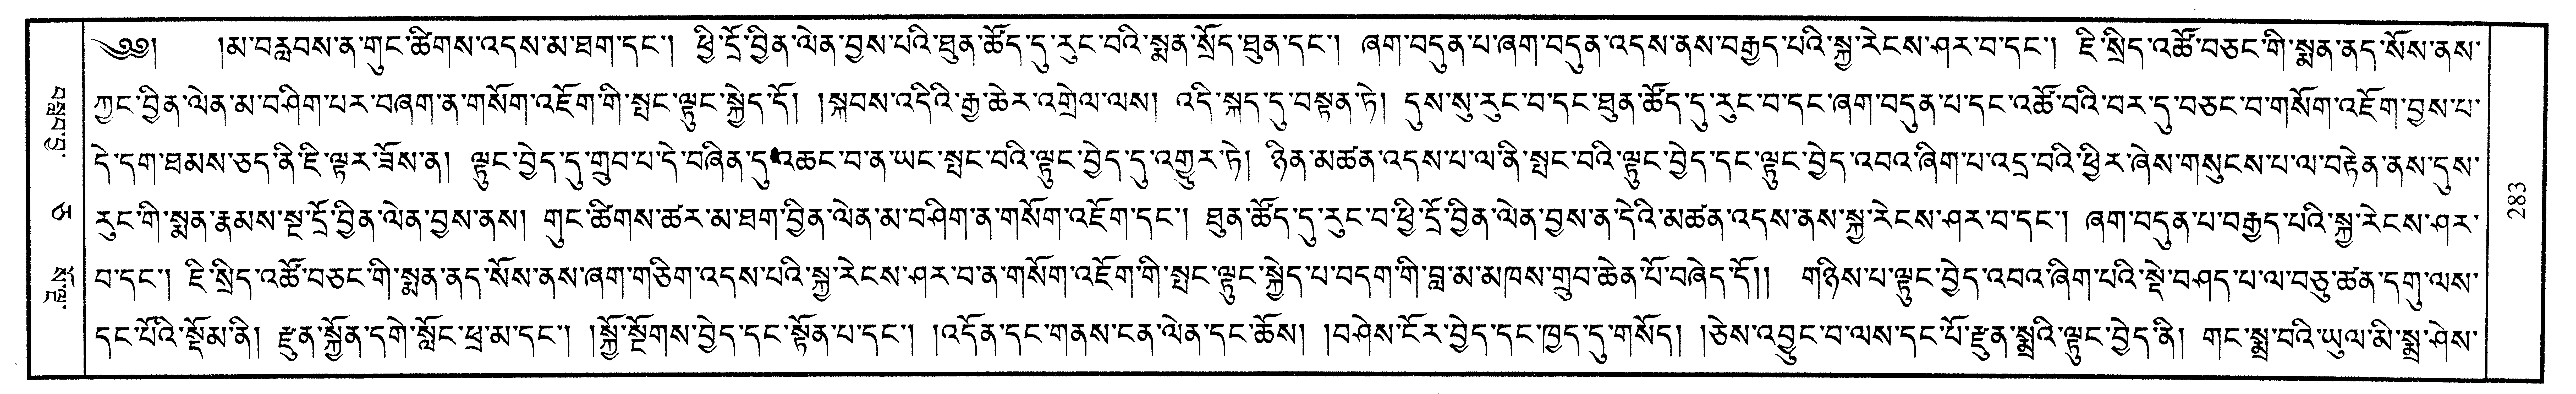༄༅། །མ་བརླབས་ན་གུང་ཚིགས་འདས་མ་ཐག་དང་། ཕྱི་དྲོ་བྱིན་ལེན་བྱས་པའི་ཐུན་ཚོད་དུ་རུང་བའི་སྨན་སྲོད་ཐུན་དང་། ཞག་བདུན་པ་ཞག་དུན་འདས་ནས་བརྒྱད་པའི་སྐྱ་རེངས་ཤར་བ་དང་། ཇི་སྲིད་འཚོ་བཅང་གི་སྨན་ནད་སོས་ནས་
ཀྱང་བྱིན་ལེན་མ་བཤིག་པར་བཞག་ན་གསོག་འཇོག་གི་སྤང་ལྟུང་སྐྱེད་དོ། །སྐབས་འདིའི་རྒྱ་ཆེར་འགྲེལ་ལས། འདི་སྐད་དུ་བསྟན་ཏེ། དུས་སུ་རུང་བ་དང་ཐུན་ཚོད་དུ་རུང་བ་དང་ཞག་བདུན་པ་དང་འཚོ་བའི་བར་དུ་བཅང་བ་གསོག་འཇོག་བྱས་པ་
དེ་དག་ཐམས་ཅད་ནི་ཇི་ལྟར་ཟོས་ན། ལྟུང་བྱེད་དུ་གྲུབ་པ་དེ་བཞིན་དུ་འཆང་བ་ན་ཡང་སྤང་བའི་ལྟུང་བྱེད་དུ་འགྱུར་ཏེ། ཉིན་མཚན་འདས་པ་ལ་ནི་སྤང་བའི་ལྟུང་བྱེད་དང་ལྟུང་བྱེད་འབའ་ཞིག་པ་འདྲ་བའི་ཕྱིར་ཞེས་གསུངས་པ་ལ་བརྟེན་ནས་དུས་
རུང་གི་སྨན་རྣམས་སྔ་དྲོ་བྱིན་ལེན་བྱས་ནས་གུང་ཚིགས་ཚར་མ་ཐག་བྱིན་ལེན་མ་བཤིག་ན་གསོག་འཇོག་དང་། ཐུན་ཚོད་དུ་རུང་བ་ཕྱི་དྲོ་བྱིན་ལེན་བྱས་ནས་དེའི་མཚན་འདས་ནས་སྐྱ་རེངས་ཤར་བ་དང་། ཞག་བདུན་པ་བརྒྱད་པའི་སྐྱ་རེངས་ཤར་
བ་དང་། ཇི་སྲིད་འཚོ་བཅང་གི་སྨན་ནད་སོས་ནས་ཞག་གཅིག་འདས་པའི་སྐྱ་རེངས་ཤར་བ་ན་གསོག་འཇོག་གི་སྤང་ལྟུང་སྐྱེད་པ་བདག་གི་བླ་མ་མཁས་གྲུབ་ཆེན་པོ་བཞེད་དོ།། གཉིས་པ་ལྟུང་བྱེད་འབའ་ཞིག་པའི་སྡེ་བཤད་པ་ལ་བཅུ་ཚན་དགུ་ལས་
དང་པོའི་སྡོམ་ནི། རྫུན་སྐྱོན་དགེ་སློང་ཕྲ་མ་དང་། །སྐྱོ་སྔོགས་བྱེད་དང་སྟོན་པ་དང་། །འདོན་དང་གནས་ངན་ལེན་དང་ཆོས། །བཤེས་ངོར་བྱེད་དང་ཁྱད་དུ་གསོད། །ཅེས་འབྱུང་བ་ལས་དང་པོ་རྫུན་སྨྲའི་ལྟུང་བྱེད་ནི། གང་སྨྲ་བའི་ཡུལ་མི་སྨྲ་ཤེས་